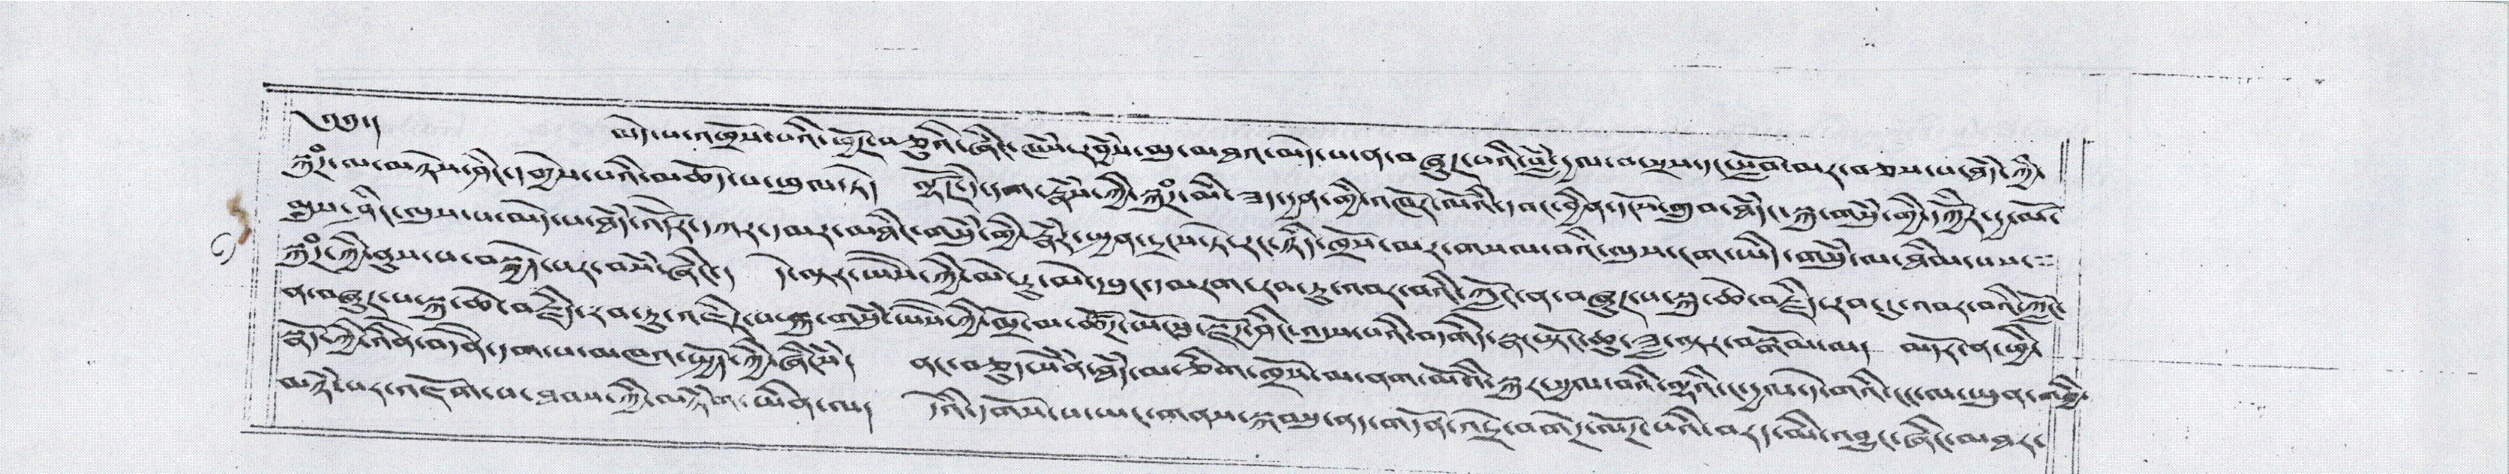མེད་པ་འཕྲོས་པས། ཕྱོགས་བཅུའི་ཞིང་ཁམས་རབ་འབྱམས་མུ་མཐའ་མེད་པ་ན་བཞུགས་པའི་བླ་མ་རྒྱལ་བ་སྲས་དང་སློབ་མར་བཅས་པ་ཐམས་ཅད་ཀྱི་
སྐུ་གསུང་ཐུགས་ལ་མཉེས་ཤིང་དགྱེས་པའི་མཆོད་པ་ཕུལ་ཏེ། ལྷ་ཚོགས་དེ་དག་རྣམས་ཀྱི་སྐུ་གསུང་ཐུགས་མི་བཟད་པ་རྒྱན་གྱི་འཁོར་ལོའི་དབང་བྱིན་དངོས་གྲུབ་ཐམས་ཅད་སྐུ་གསུམ་གྱི་དཀྱིལ་འཁོར་རྒྱ་མཚོ་
མ་ལུས་ཤིང་ལུས་པ་མེད་པ་ཐམས་ཅད་འོད་ཟེར་དཀར་དམར་མཐིང་གསུམ་གྱི་རྣམ་པར་སྤྱན་དྲངས་ཏེ་རང་ཉིད་ཁྲོས་མར་གསལ་བའི་ལུས་ངག་ཡིད་གསུམ་ལ་ཐིམ་པས་
སྐུ་གསུང་ཐུགས་ཀྱི་ནུས་པ་བསྐྱེད་པར་བསམ་ཞིང་། དེ་ལྟར་ཡེ་ཤེས་ཀྱི་མེ་དཔུང་དམར་ནག་རབ་ཏུ་འབར་བའི་ཀློང་ན་བཞུགས་པ་སྐུ་ཆེ་བརྗིད་རབ་ཏུ་འབར་བའི་ཀློང་
ན་བཞུགས་པ། སྐུ་ཆེ་བརྗིད་རབ་ཏུ་འཇིགས་པ་སྐུ་གསུམ་ཡེ་ཤེས་ཀྱི་མཁའ་འགྲོ་མ་ཚོགས་ཡོངས་སུ་རྫོགས་ཤིང་འདུས་པའི་བདག་ཉིད་སྣང་སྟོང་ཆུ་ཟླ་ལྟར་བསྒོམ་ལ། མདོར་ན་ཕྱི་
སྣོད་ཀྱི་འཇིག་རྟེན་བདེ་ཆེན་དག་པ་མཁའ་སྤྱོད་ཀྱི་ཞིང་ཁམས། ནང་བཅུད་སེམས་ཅན་ཐམས་ཅད་མ་ཅིག་ཁྲོས་མ་ནག་མོའི་སྐུར་གསལ་བའི་ལྷའི་ང་རྒྱལ་དེ་གའི་ངང་ལ་ཡུན་གཅིག་
མཉམ་པར་འཇོག་པ་ཐབས་ཀྱི་མཉམ་གཞག་ཡིན་ལ། དེའི་དགོས་པའང་གནས་སྐབས་སུ་ནད་གདོན་འདྲེ་བགེགས་ལ་སོགས་པའི་བར་ཆད་མི་འབྱུང་ཞིང་མཐར་